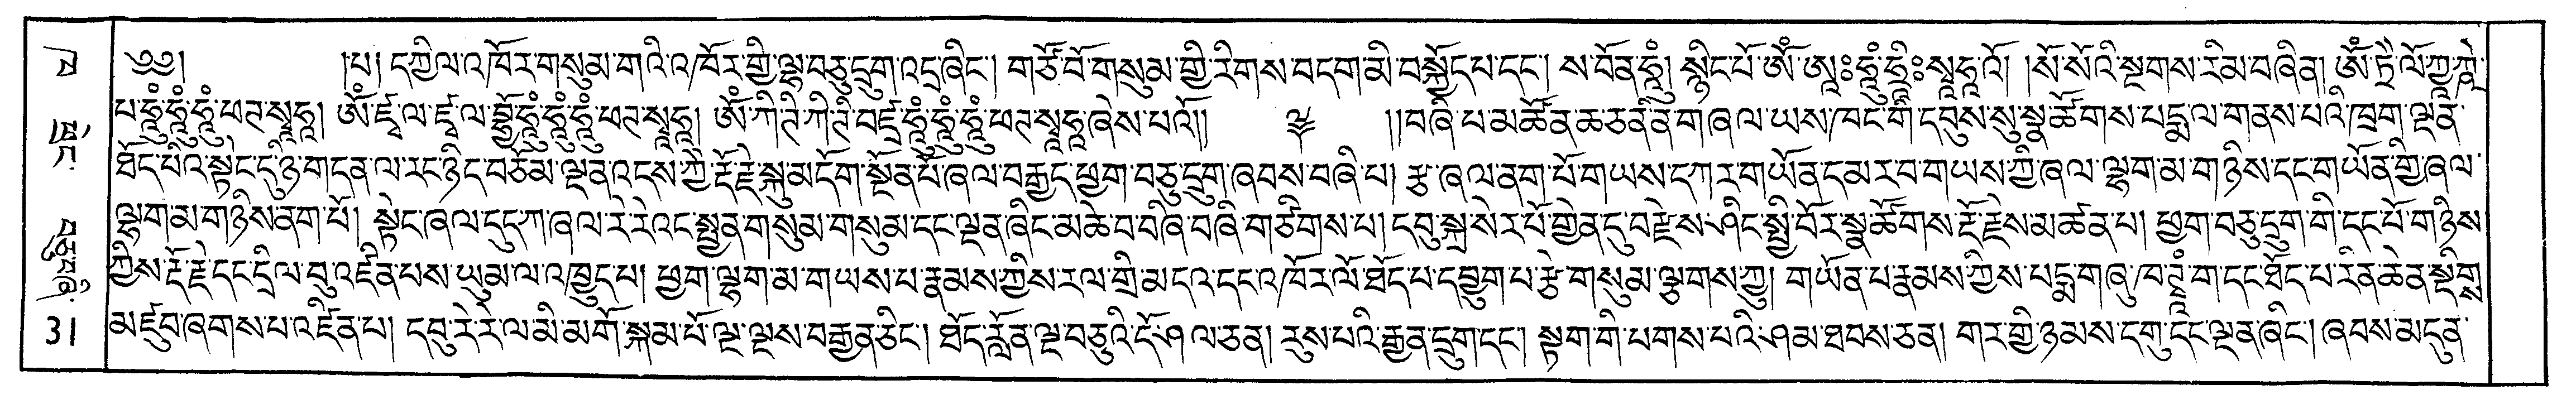༄༅། །པ༑ དཀྱིལ་འཁོར་གསུམ་གའི་འཁོར་གྱི་ལྷ་བཅུ་དྲུག་འདྲ་ཞིང་། གཙོ་བོ་གསུམ་གྱི་རིགས་བདག་མི་བསྐྱོད་པ་དང་། ས་བོན་ཧཱུཾ། སྙིང་པོ་ཨོཾ་ཨཱཿ ཧཱུཾ་ཧྲཱིཿ སྭཱཧཱ་འོ། །སོ་སོའི་སྔགས་རིམ་བཞིན། ཨོཾ་ཏྲཻ་ལོ་ཀྱཱ་ཀྵེ་
པ་ཧཱུཾ་ཧཱུཾ་ཧཱུཾ་ཕཊ་སྭཱཧཱ། ཨོཾ་ཛྭ་ལ་ཛྭ་ལ་བྷྱོ་ཧཱུཾ་ཧཱུཾ་ཧཱུཾ་ཕཊ་སྭཱཧཱ། ཨོཾ་ཀི་ཊི་ཀི་ཊི་བཛྲ་ཧཱུཾ་ཧཱུཾ་ཧཱུཾ་ཕཊ་སྭཱཧཱ་ཞེས་པའོ།། ༈ །།བཞི་པ་མཚོན་ཆ་ཅན་ནི་གཞལ་ཡས་ཁང་གི་དབུས་སུ་སྣ་ཚོགས་པདམ་ལ་གནས་པའི་ཁྲག་ལྡན་
ཐོད་པའི་སྟེང་དུ་ཉི་གདན་ལ་རང་ཉིད་བཅོམ་ལྡན་འདས་ཀྱཻ་རྡོ་རྗེ་སྐུ་མདོག་སྔོན་པོ་ཞལ་བརྒྱད་ཕྱག་བཅུ་དྲུག་ཞབས་བཞི་པ། རྩ་ཞལ་ནག་པོ་གཡས་དཀར་གཡོན་དམར་བ་གཡས་ཀྱི་ཞལ་ལྷག་མ་གཉིས་དང་གཡོན་གྱི་ཞལ་
ལྷག་མ་གཉིས་ནག་པོ། སྟེང་ཞལ་དུད་ཀ་ཞལ་རེ་རེའང་སྤྱན་གསུམ་གསུམ་དང་ལྡན་ཞིང་མཆེ་བ་བཞི་བཞི་གཙིགས་པ། དབུ་སྐྲ་སེར་པོ་གྱེན་དུ་བརྫེས་ཤིང་སྤྱི་བོར་སྣ་ཚོགས་རྡོ་རྗེས་མཚན་པ། ཕྱག་བཅུ་དྲུག་གི་དང་པོ་གཉིས་
ཀྱིས་རྡོ་རྗེ་དང་དྲིལ་བུ་འཛིན་པས་ཡུམ་ལ་འཁྱུད་པ། ཕྱག་ལྷག་མ་གཡས་པ་རྣམས་ཀྱིས་རལ་གྲི་མདའ་དང་འཁོར་ལོ་ཐོད་པ་དབྱུག་པ་རྩེ་གསུམ་ལྕགས་ཀྱུ། གཡོན་པ་རྣམས་ཀྱིས་པདམ་གཞུ་ཁ་ཊྭཱཾ་ག་དང་ཐོད་པ་རིན་ཆེན་སྡིགས་
མཛུབ་ཞགས་པ་འཛིན་པ། དབུ་རེ་རེ་ལ་མི་མགོ་སྐམ་པོ་ལྔ་ལྔས་བརྒྱན་ཅིང་། ཐོད་རློན་ལྔ་བཅུའི་དོ་ཤལ་ཅན། རུས་པའི་རྒྱན་དྲུག་དང་། སྟག་གི་པགས་པའི་ཤམ་ཐབས་ཅན། གར་གྱི་ཉམས་དགུ་དང་ལྡན་ཞིང་། ཞབས་མདུན་